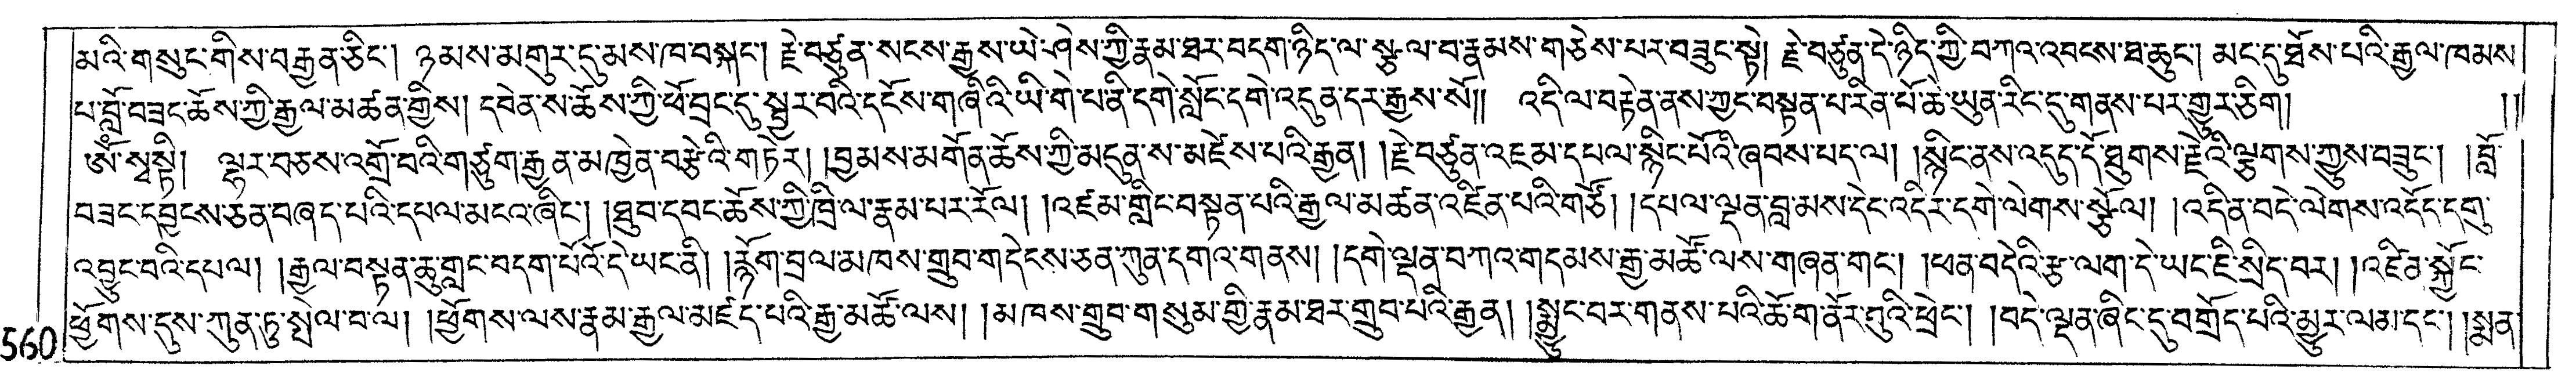མའི་གསུང་གིས་བརྒྱན་ཅིང་། ཉམས་མགུར་དུ་མས་ཁ་བསྐང་། རྗེ་བཙུན་སངས་རྒྱས་ཡེ་ཤེས་ཀྱི་རྣམ་ཐར་བདག་ཉིད་ལ་སྩལ་བ་རྣམས་གཅེས་པར་བཟུང་སྟེ། རྗེ་བཙུན་དེ་ཉིད་ཀྱི་བཀའ་འབངས་ཐ་ཆུང་། མང་དུ་ཐོས་པའི་རྒྱལ་ཁམས་
པ་བློ་བཟང་ཆོས་ཀྱི་རྒྱལ་མཚན་གྱིས། དབེན་ས་ཆོས་ཀྱི་ཕོ་བྲང་དུ་སྦྱར་བའི་དངོས་གཞིའི་ཡི་གེ་པ་ནི་དགེ་སློང་དགེ་འདུན་དར་རྒྱས་སོ།། འདི་ལ་བརྟེན་ནས་ཀྱང་བསྟན་པ་རིན་པོ་ཆེ་ཡུན་རིང་དུ་གནས་པར་གྱུར་ཅིག ། །།
ཨོཾ་སྭསྟི། ལྷར་བཅས་འགྲོ་བའི་གཙུག་རྒྱན་མཁྱེན་བརྩེའི་གཏེར། །བྱམས་མགོན་ཆོས་ཀྱི་མདུན་ས་མཛེས་པའི་རྒྱན། །རྗེ་བཙུན་འཇམ་དཔལ་སྙིང་པོའི་ཞབས་པད་ལ། །སྙིང་ནས་འདུད་དོ་ཐུགས་རྗེའི་ལྕགས་ཀྱུས་བཟུང་། །བློ་
བཟང་དབྱངས་ཅན་བཞད་པའི་དཔལ་མངའ་ཞིང་། །ཐུབ་དབང་ཆོས་ཀྱི་ཁྲི་ལ་རྣམ་པར་རོལ། །འཛམ་གླིང་བསྟན་པའི་རྒྱལ་མཚན་འཛིན་པའི་གཙོ། །དཔལ་ལྡན་བླ་མས་དེང་འདིར་དགེ་ལེགས་སྩོལ། །འདི་ན་བདེ་ལེགས་འདོད་དགུ་
འབྱུང་བའི་དཔལ། །རྒྱལ་བསྟན་ཆུ་གླང་བདག་པོའོ་དེ་ཡང་ནི། །རྙོག་བྲལ་མཁས་གྲུབ་གདེངས་ཅན་ཀུན་དགའ་གནས། །དགེ་ལྡན་བཀའ་གདམས་རྒྱ་མཚོ་ལས་གཞན་གང་། །ཕན་བདེའི་རྩ་ལག་དེ་ཡང་ཇི་སྲིད་བར། །འཛིན་སྐྱོང་
ཕྱོགས་དུས་ཀུན་ཏུ་སྤེལ་བ་ལ། །ཕྱོགས་ལས་རྣམ་རྒྱལ་མཛད་པའི་རྒྱ་མཚོ་ལས། །མཁས་གྲུབ་གསུམ་གྱི་རྣམ་ཐར་གྲུབ་པའི་རྒྱན། །སྨྱུང་བར་གནས་པའི་ཆོ་ག་ནོར་བུའི་ཕྲེང་། །བདེ་ལྡན་ཞིང་དུ་བགྲོད་པའི་མྱུར་ལམ་དང་། །སྨན་